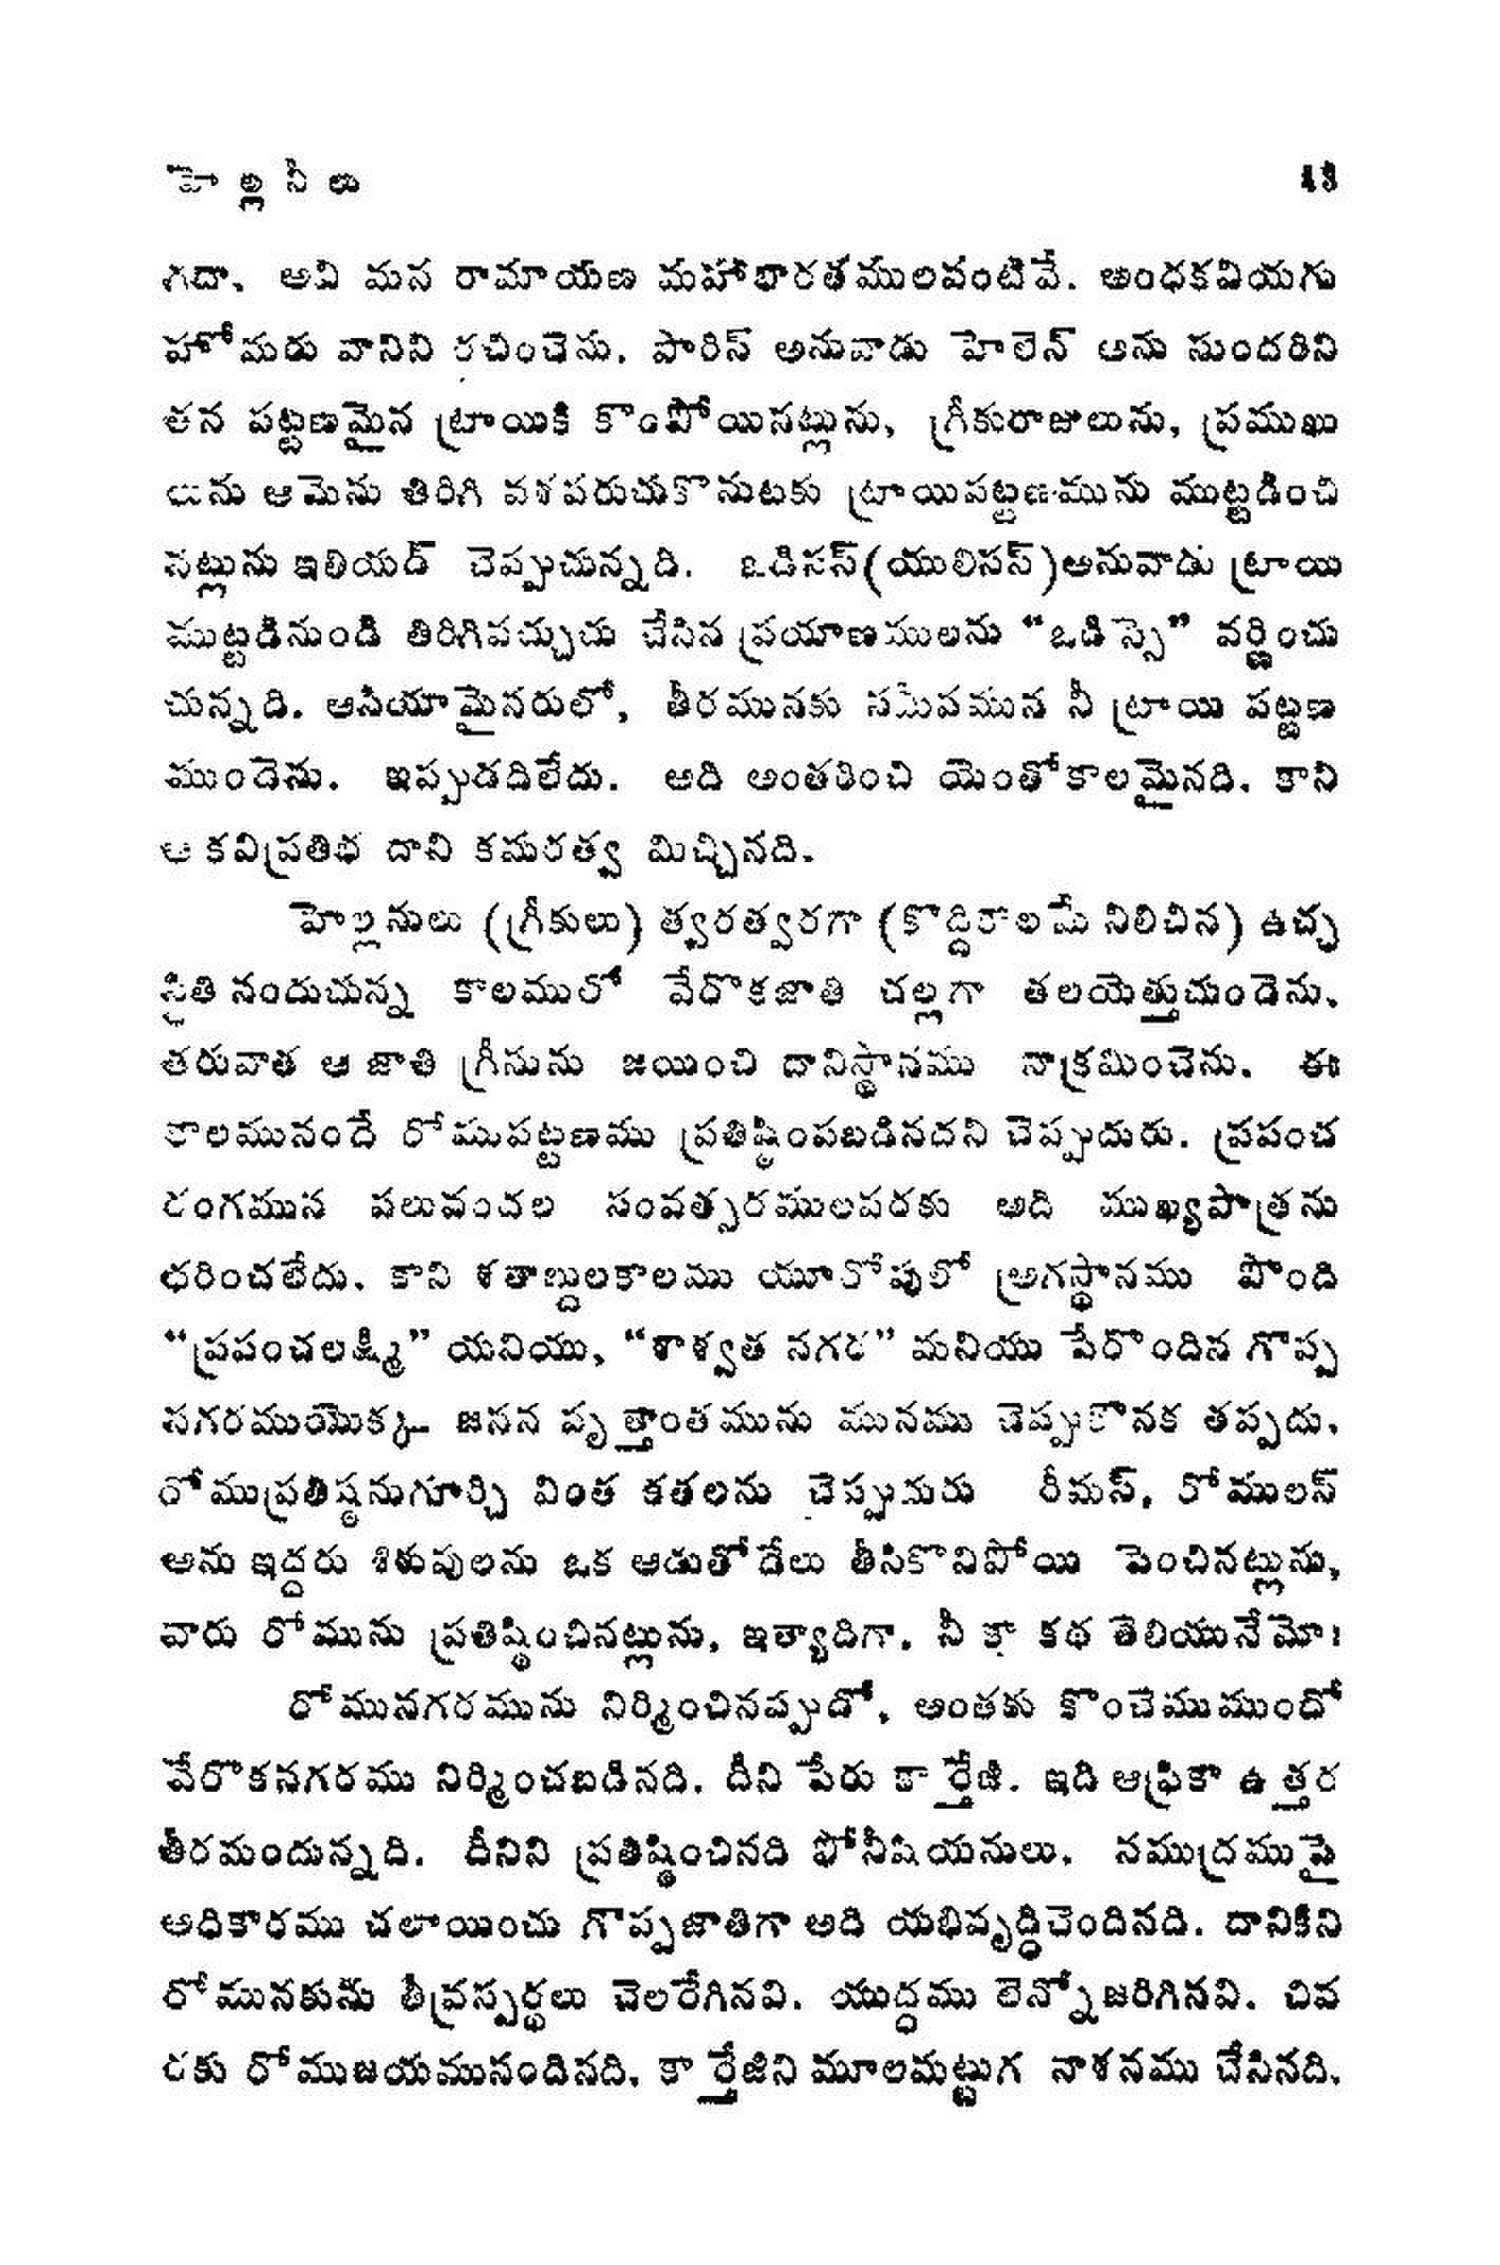గదా. అవి మన రామాయణ మహాభారతములవంటివే. అంధకవియగు హోమరు వానిని రచించెను. పారిస్ అనువాడు హెలెన్ అను సుందరిని తన పట్టణమైన ట్రాయికి కొంపోయినట్లును, గ్రీకురాజులును, ప్రముఖులును ఆమెను తిరిగి వశపరుచుకొనుటకు ట్రాయిపట్టణమును ముట్టడించి నట్లును ఇలియడ్ చెప్పుచున్నది. ఒడిసస్(యులిసస్) అనువాడు ట్రాయి ముట్టడినుండి తిరిగివచ్చుచు చేసిన ప్రయాణములను "ఒడిస్సె" వర్ణించు చున్నది. ఆసియామైనరులో, తీరమునకు సమీపమున నీ ట్రాయి పట్టణ ముండెను. ఇప్పుడదిలేదు. ఆది అంతరించి యెంతోకాలమైనది. కానీ ఆ కవిప్రతిభ దాని కమరత్వ మిచ్చినది.

హెల్లనులు (గ్రీకులు) త్వరత్వరగా (కొద్దికాలమే నీలిచిన) ఉచ్చస్థితి నందున్న కాలములో వేరొకజాతి చల్లగా తలయెత్తుచుండెను, తరువాత ఆ జాతి గ్రీసును జయించి దానిస్థానము నాక్రమించెను. ఈ కాలమునందే రోముపట్టణము ప్రతిష్ఠింపబడినదని చెప్పుదురు. ప్రపంచరంగమున పలువందల సంవత్సరములవరకు అది ముఖ్యపాత్రను ధరించలేదు. కాని శతాబ్దులకాలము యూరోపులో అగ్రస్థానము పొంది "ప్రపంచలక్ష్మి" యనియు, “శాశ్వత నగర" మనియు పేరొందిన గొప్ప నగరముయొక్క జనన వృత్తాంతమును మునము చెప్పుకొనక తప్పదు. రోముప్రతిష్ఠనుగూర్చి వింత కతలను చెప్పుదురు రీమస్, రోములస్ అను ఇద్దరు శిశువులను ఒక ఆడుతోడేలు తీసికొనిపోయి పెంచినట్లును, వారు రోమును ప్రతిష్ఠించినట్లును, ఇత్యాదిగా. నీ కా కథ తెలియునేమో!

రోమునగరమును నిర్మించినప్పుడో, అంతకు కొంచెముముందో వేరొక నగరము నిర్మించబడినది. దీని పేరు కార్తేజీ. ఇది ఆఫ్రికా ఉత్తర తీరమందున్నది. దీనిని ప్రతిష్ఠించినది ఫోనీషియనులు, నముద్రముపై అధికారము చలాయించు గొప్పజాతిగా అది యభివృద్ధిచెందినది. దానికిని రోమునకును తీవ్రస్పర్ధలు చెలరేగినవి. యుద్ధము లెన్నో జరిగినవి. చివరకు రోముజయమునందినది. కార్తేజిని మూలమట్టుగ నాశనము చేసినది.